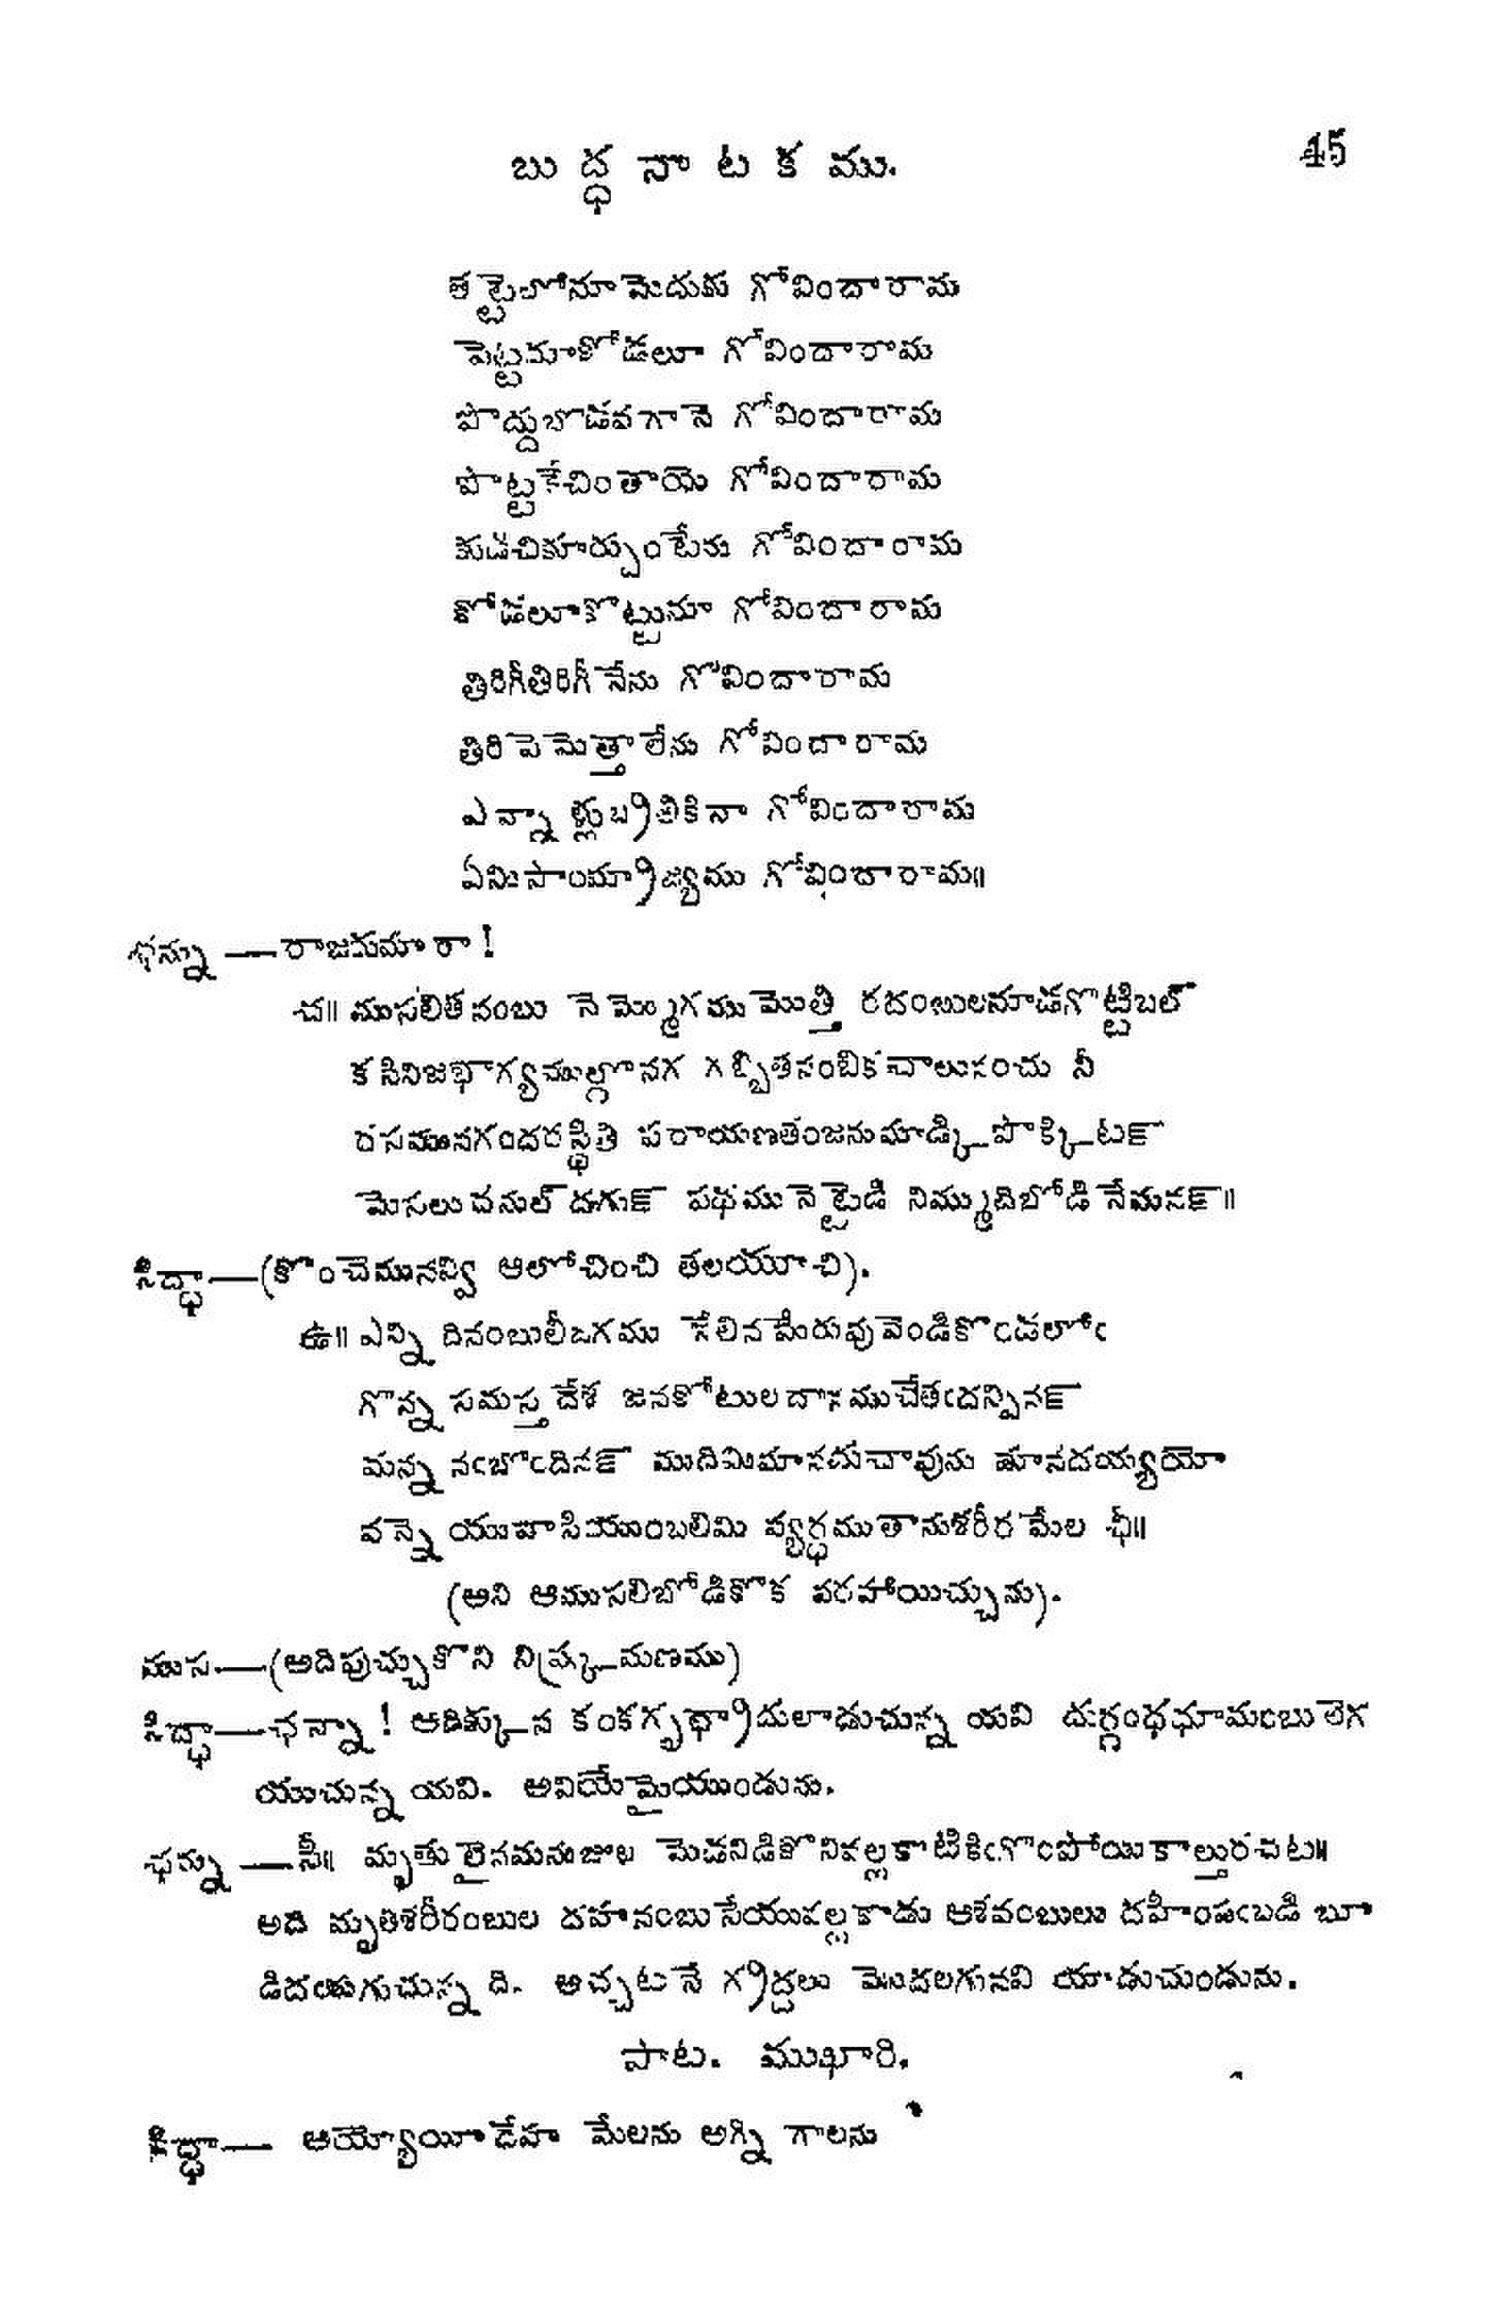కట్టెలోనూమెదుకు గోవిందా రామ 
పెట్టదుకోడలు గోవిందా రామ
పొద్దుబొడవగానె గోవిందా రామ
పొట్టకేచింతాయె గోవిందా రామ
కుడిచికూర్పుంటేరు గోవిందా రామ
కోడలుకొట్టునూ గోవిందా రామ
తిరిగీతిరిగీనేను గోవిందారామ
తిరిపెమెత్తాలేను గోవిందా రామ
ఎన్నాళ్లుబ్రతికినా గోవిందా రామ 
ఏమి సామ్రాజ్యము గోవిందా రామ॥ 

ఛన్ను - రాజకుమారా!

చ॥ ముసలితనంబు నెమ్మొగముమొత్తి రదంబులనూడగొట్టిబల్
కసినిజభాగ్యముల్గొనగ గబ్బితసంబికచాలునంచు నీ
రసమునగందరస్థితి పరాయణతంజనుమాడ్కిపొక్కిట౯
మెసలుచనుల్ దగు౯ పథమునెట్టెడి నిమ్ముదిబోడి నేమన౯॥

సిద్దా - (కొంచెమునవ్వి ఆలోచించి తలయూచి).

ఉ॥ ఎన్ని దినంబులీజగము నేలినమేరువు వెండికొండలోఁ
గొన్న సమస్త దేశ జనకోటులదానముచేతఁదన్పిన౯
మన్న నఁబోఁదిన౯ ముదిమిమానరు చావును మానదయ్యయో
వన్నెయువాసియుంబలిమి వ్యర్ధముతానుశరీరమేల ఛీ॥ 

(అని ఆముసలిబోడికొక వరహాయిచ్చును).

ముస — (అదిపుచ్చుకొని నిష్క్రమణము)

సిద్ధా — ఛన్నా! ఆదిక్కున కంకగృథాదులాడుచున్నయవి దుర్గంధధూమంబు లెగయుచున్నయవి. అవియేమైయుండును.

ఛన్ను — సీ॥ మృతులైనమనుజుల మెడవిడికొనివల్లకాటికిఁగొంపోయి కాల్తురచట॥ 
అది మృతశరీరంబుల దహనంబుసేయువల్లకాడు ఆశవంబులు దహీంపఁబడి బూ
డిదగుచున్నది. అచ్చటనే గ్రద్దలు మొదలగునవి యాడుచుండును. 

సిద్ధా — అయ్యోయీదేహ మేలను అగ్ని గాలను